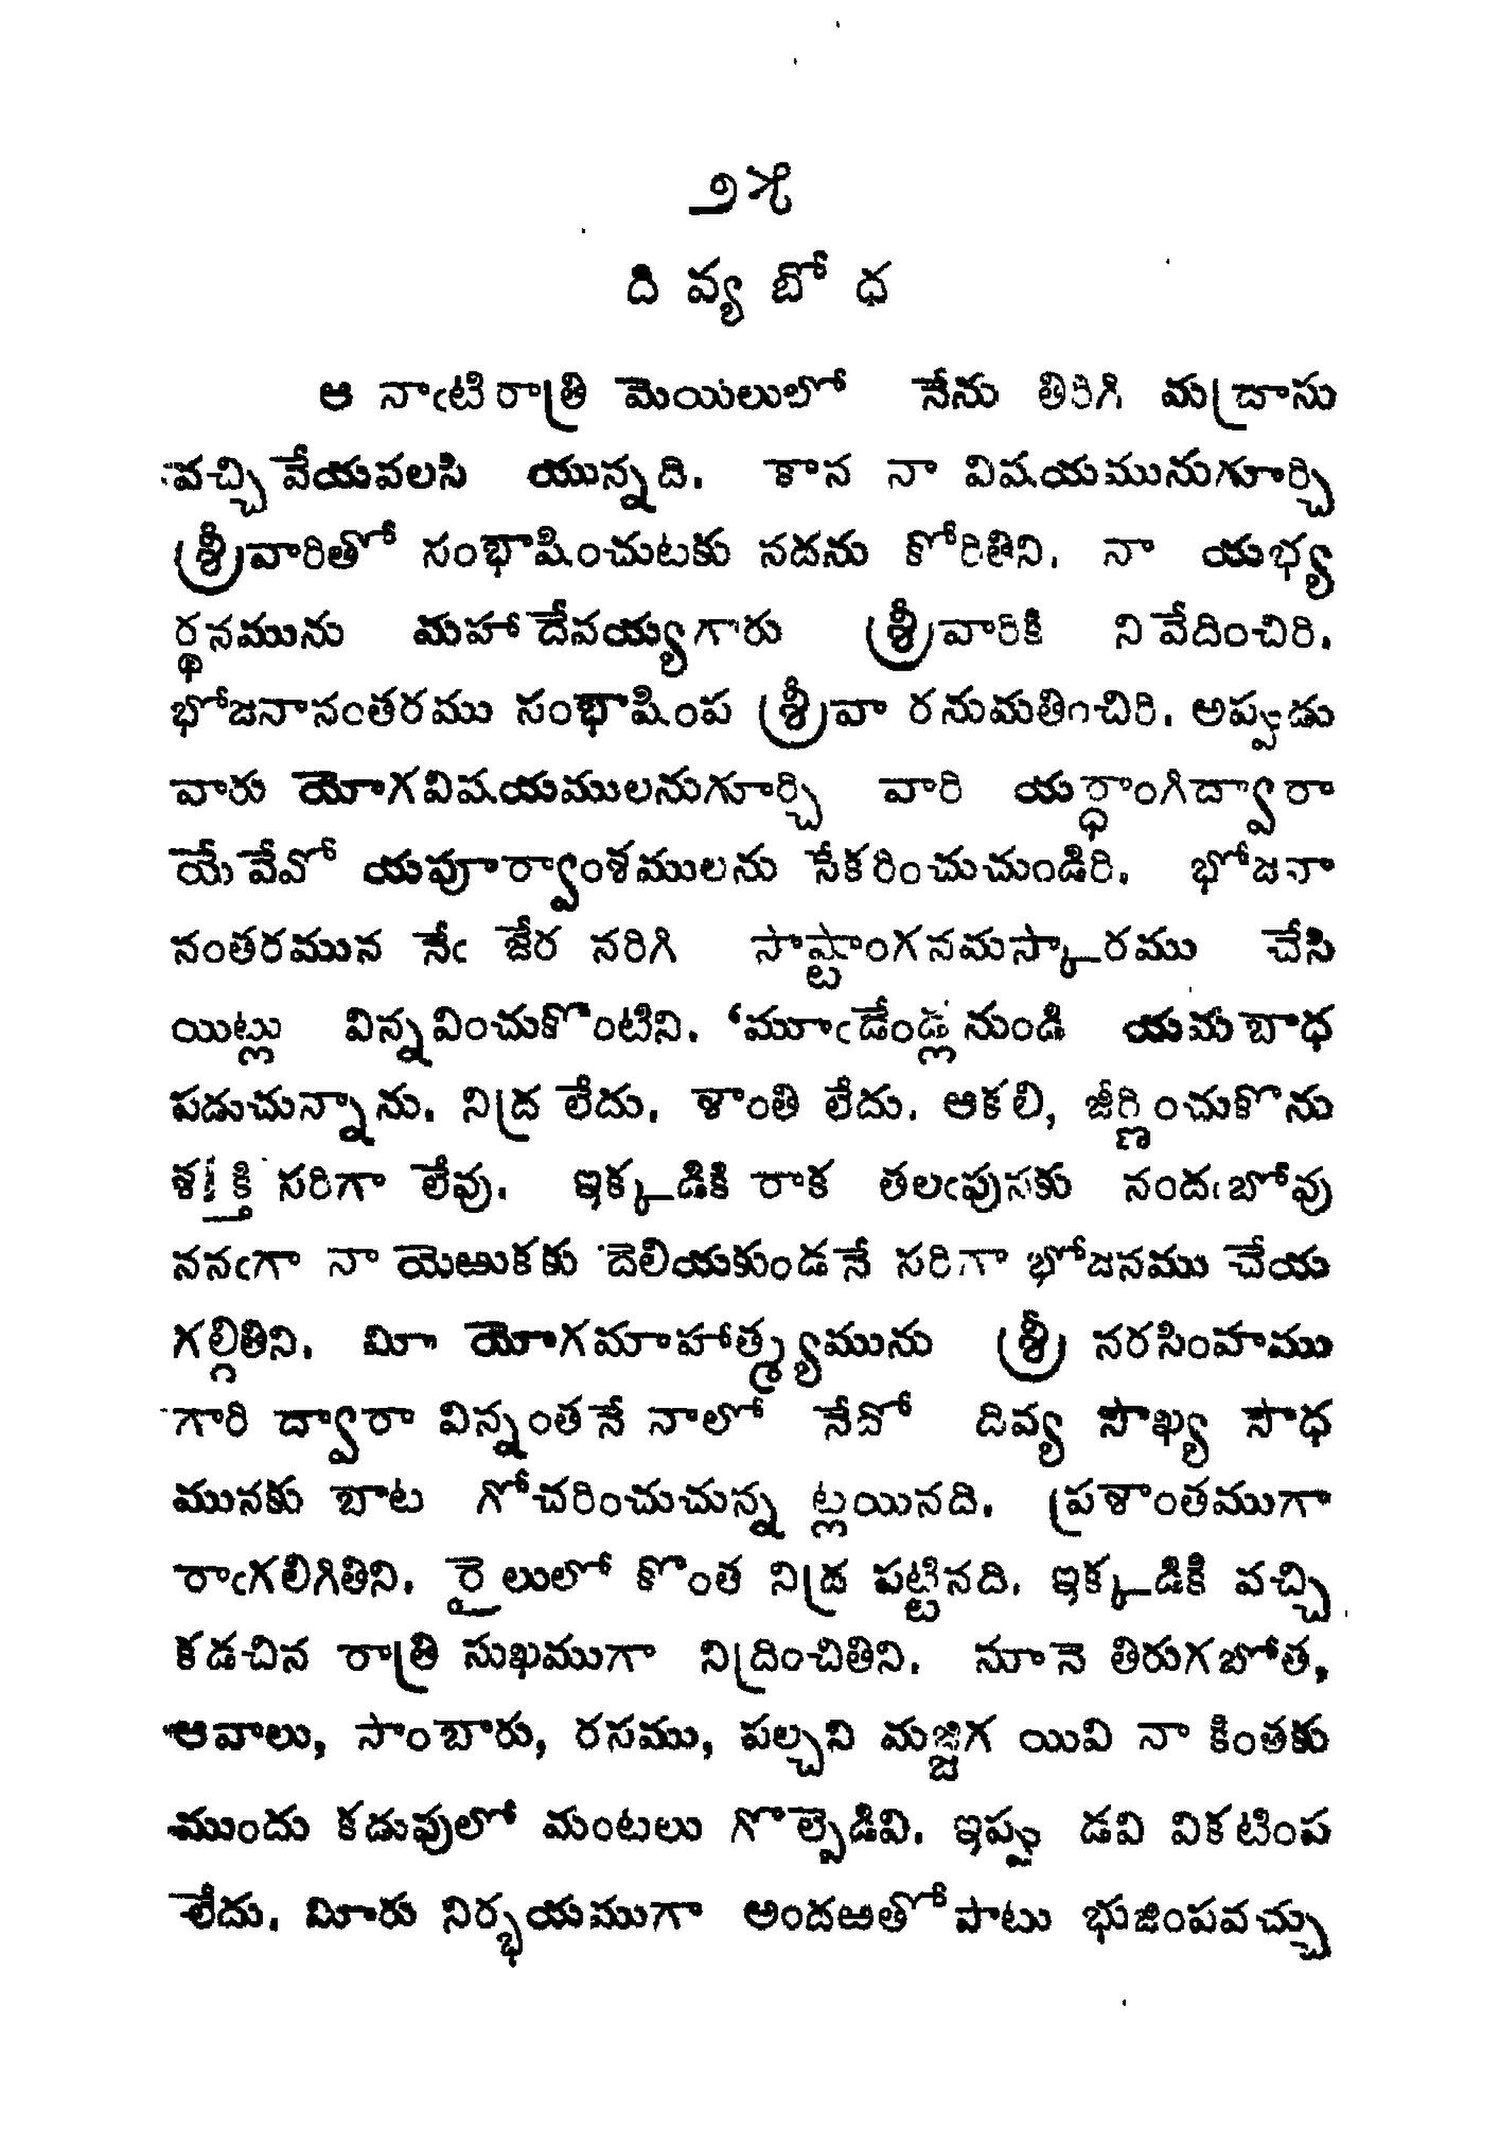ఆ నాఁటిరాత్రి మెయిలులో నేను తిరిగి మద్రాసు వచ్చి వేయవలసి యున్నది. కాన నా విషయమును గూర్చిశ్రీ వారితో సంభాషించుటకు నదను కోరితిని. నా యభ్యర్ధనమును మహా దేవయ్యగారు శ్రీ వారికి నివేదించిరి. భోజనా నంతరము సంభాషింప శ్రీవా రనుమతించిరి. అప్పుడు వారు యోగ విషయములను గూర్చి వారి యర్ధాంగి ద్వారా యేవేవో యపూర్వాంశ ములను సేకరించుచుండిరి. భోజనా నంతరమున నేఁ జేర నరిగి సాష్టాంగనమస్కారము చేసి యిట్లు విన్నవించుకొంటిని.' మూఁడెండ్లనుండి యమ బాధ పడుచున్నాను, నిద్రలేదు, శాంతి లేదు, ఆకలి, జిర్ణించుకొను శక్తి సరిగా లేవు. ఇక్కడికి రాక తలఁపునకు ననఁ గా నా యోఱుకకు దెలియకుండ నే సరిగా భోజనము చేయగల్గితిని. మి యోగమాహాత్మ్యమును శ్రీ నరసింహము గారి ద్వారా విన్నంతనే నాలో నేదో దివ్య సౌఖ్య సౌధమునకు బాట గోచరించు చున్నట్ల యినది. ప్రశాంతము గా రాఁ గలిగితిని. రైలులో కొంత నిద్ర పట్టినది. ఇక్కడికి వచ్చికడచిన రాత్రి సుఖముగానిద్రించితిని. నూనె తిరుగ బోత, ఆవాలు, సాంబారు, రసము, పల్చనిమజ్జిగ యివి నా కింతకు ముందు కడుపులో మంటలు గొల్పెడివి. ఇప్పు డవి వికటింప లేదు. మీరు నిర్భయముగా అందఱతో పాటు భుజింపవచ్చు